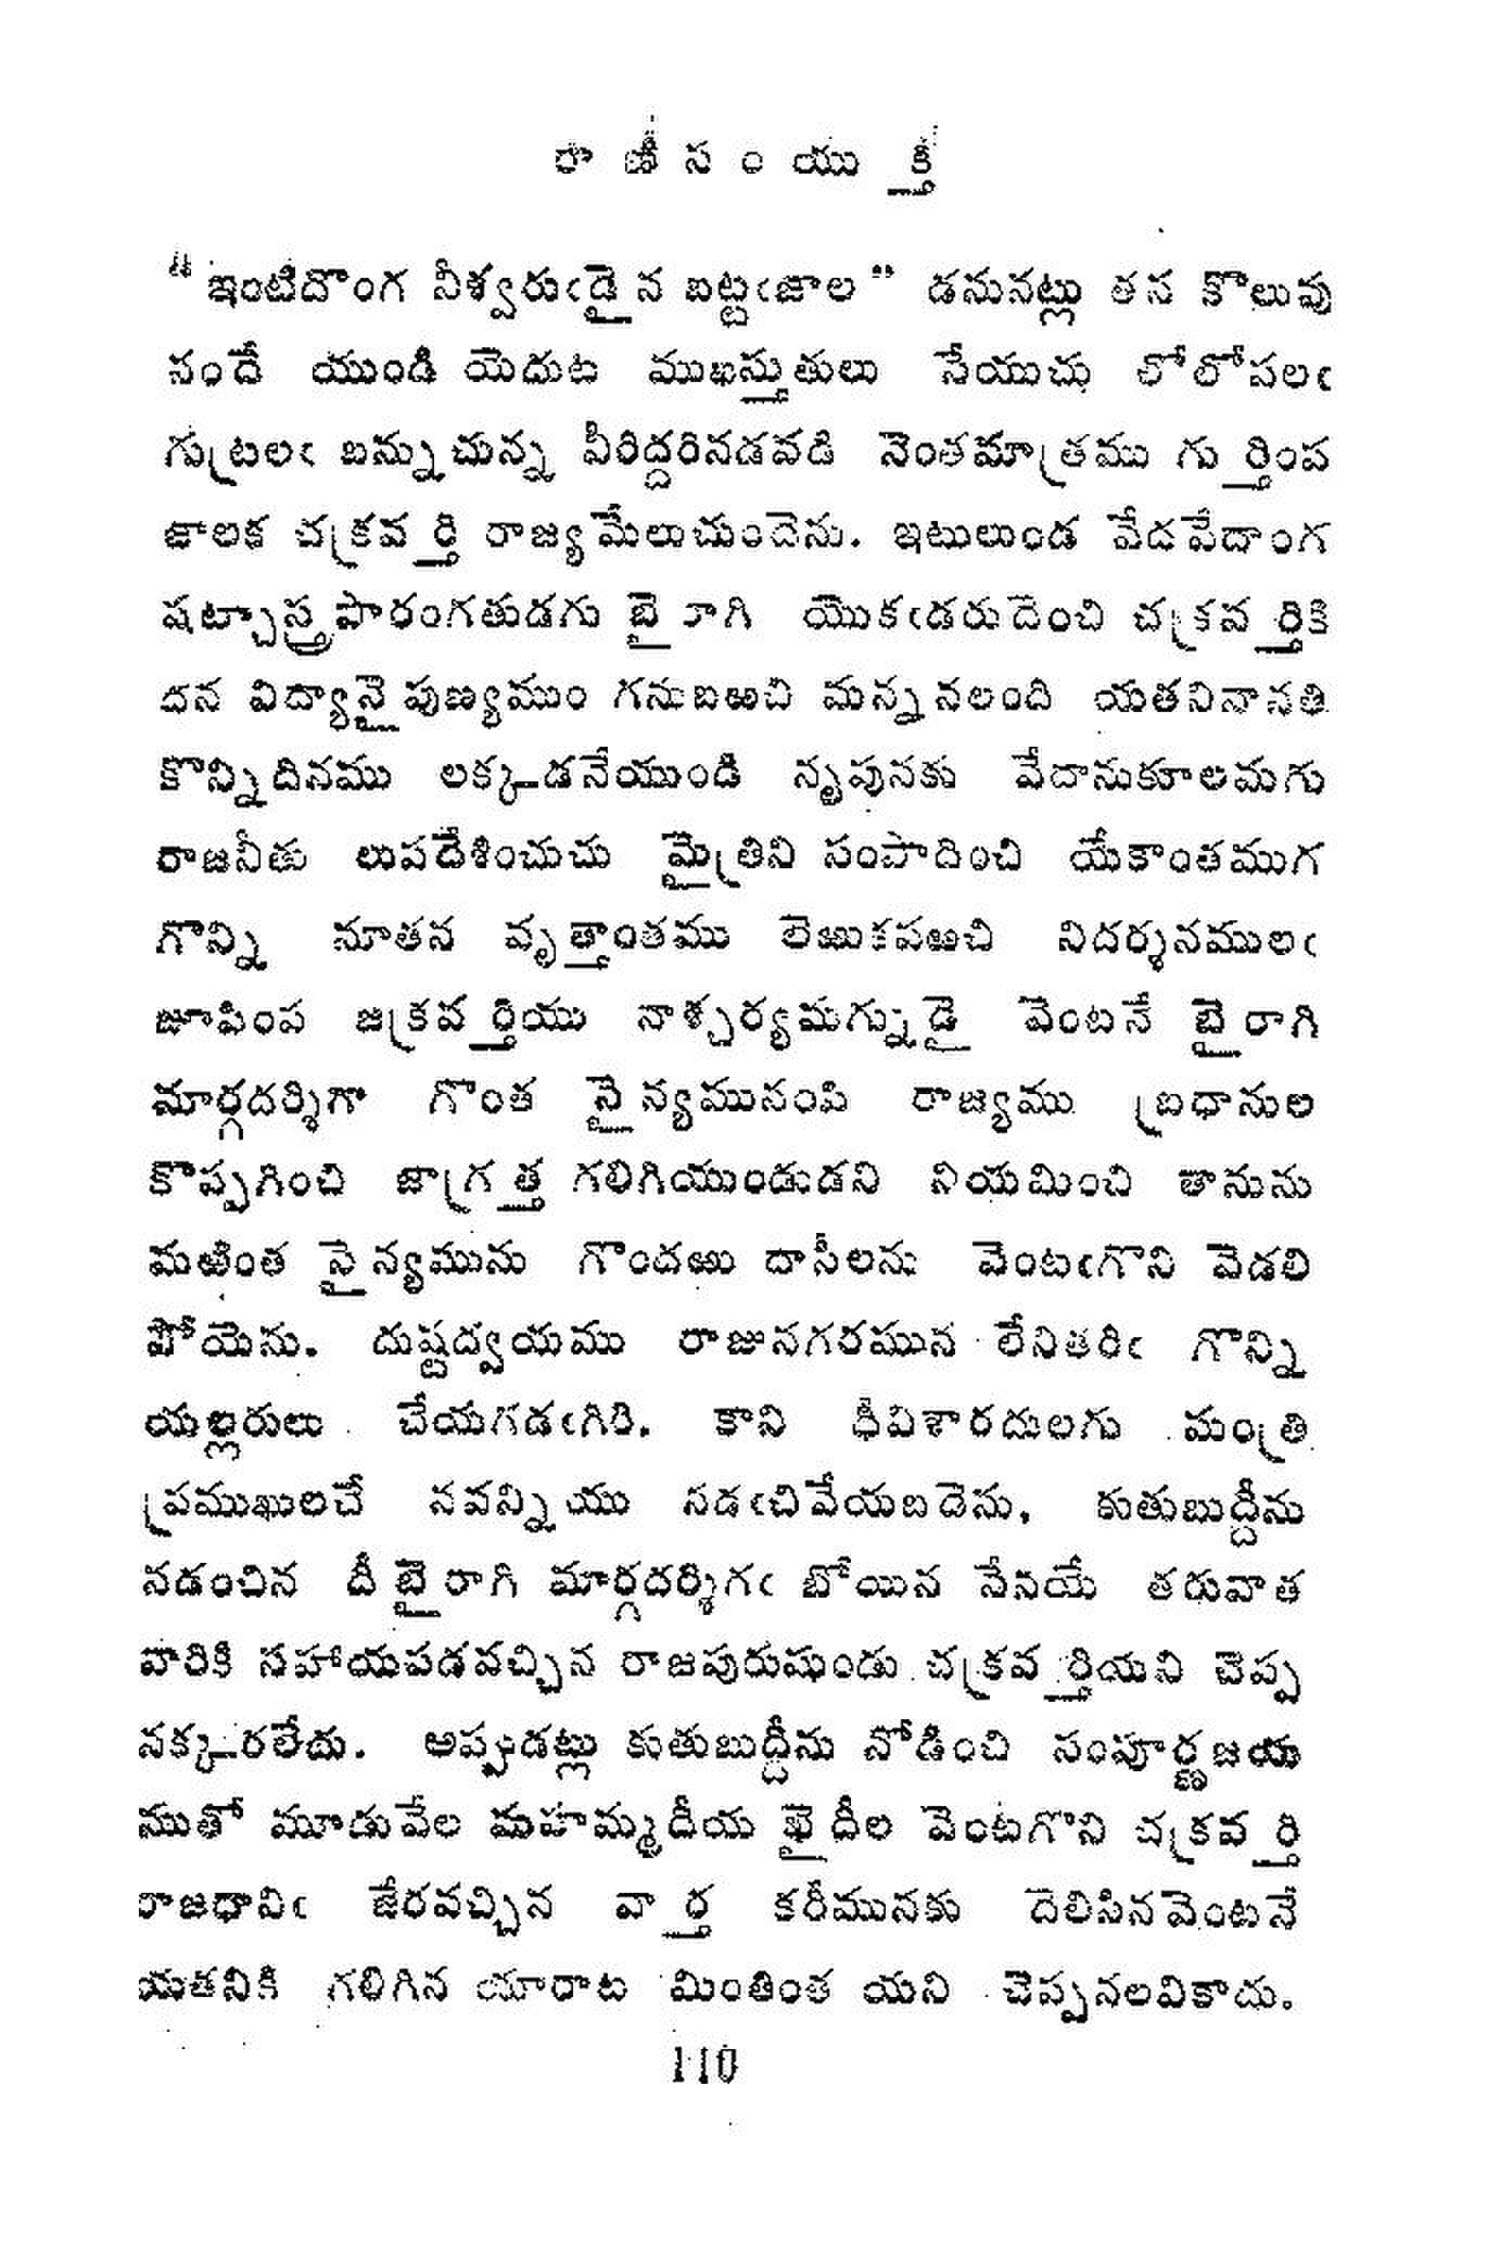"ఇంటిదొంగ నీశ్వరుఁడైన బట్టఁజాల" డనునట్లు తస కొలువునందే యుండి యెదుట ముఖస్తుతులు సేయుచు లోలోపలఁ గుట్రలఁ బన్నుచున్న వీరిద్దరినడవడి నెంతమాత్రము గుర్తింపజాలక చక్రవర్తి రాజ్య మేలుచుండెను. ఇటులుండ వేదవేదాంగ షట్చాస్త్రపారంగతుడగు బైరాగి యొకఁడరుదెంచి చక్రవర్తికి దన విద్యానైపుణ్యముం గనుబఱచి మన్ననలంది యతనినానతి కొన్నిదినము లక్కడనేయుండి నృపునకు వేదానుకూలమగు రాజనీతు లుపదేశించుచు మైత్రిని సంపాదించి యేకాంతముగ గొన్ని నూతన వృత్తాంతము లెఱుకపఱచి నిదర్శనములఁ జూపింప జక్రవర్తియు నాశ్చర్యమగ్నుడై వెంటనే బైరాగి మార్గదర్శిగా గొంత నైన్యమునంపి రాజ్యము బ్రధానుల కొప్పగించి జాగ్రత్త గలిగియుండుడని నియమించి తానును మఱింత సైన్యమును గొందఱు దాసీలను వెంటఁగొని వెడలి పోయెను. దుష్టద్వయము రాజునగరమున లేనితరిఁ గొన్ని యల్లరులు చేయగడఁగిరి. కాని ధీవిశారదులగు మంత్రి ప్రముఖులచే నవన్నియు నడఁచి వేయబడెను. కుతుబుద్దీను నడంచిన దీ బైరాగి మార్గదర్శిగఁ బోయిన సేనయే తరువాత వారికి సహాయపడవచ్చిన రాజపురుషుండు చక్రవర్తియని చెప్ప నక్కరలేదు. అప్పుడట్లు కుతుబుద్దీను నోడించి సంపూర్ణజయముతో మూడువేల మహమ్మదీయ ఖైదీల వెంటగొని చక్రవర్తి రాజధానిఁ జేరవచ్చిన వార్త కరీమునకు దెలిసిన వెంటనే యతనికి గలిగిన యారాట మింతింత యని చెప్పనలవికాదు.